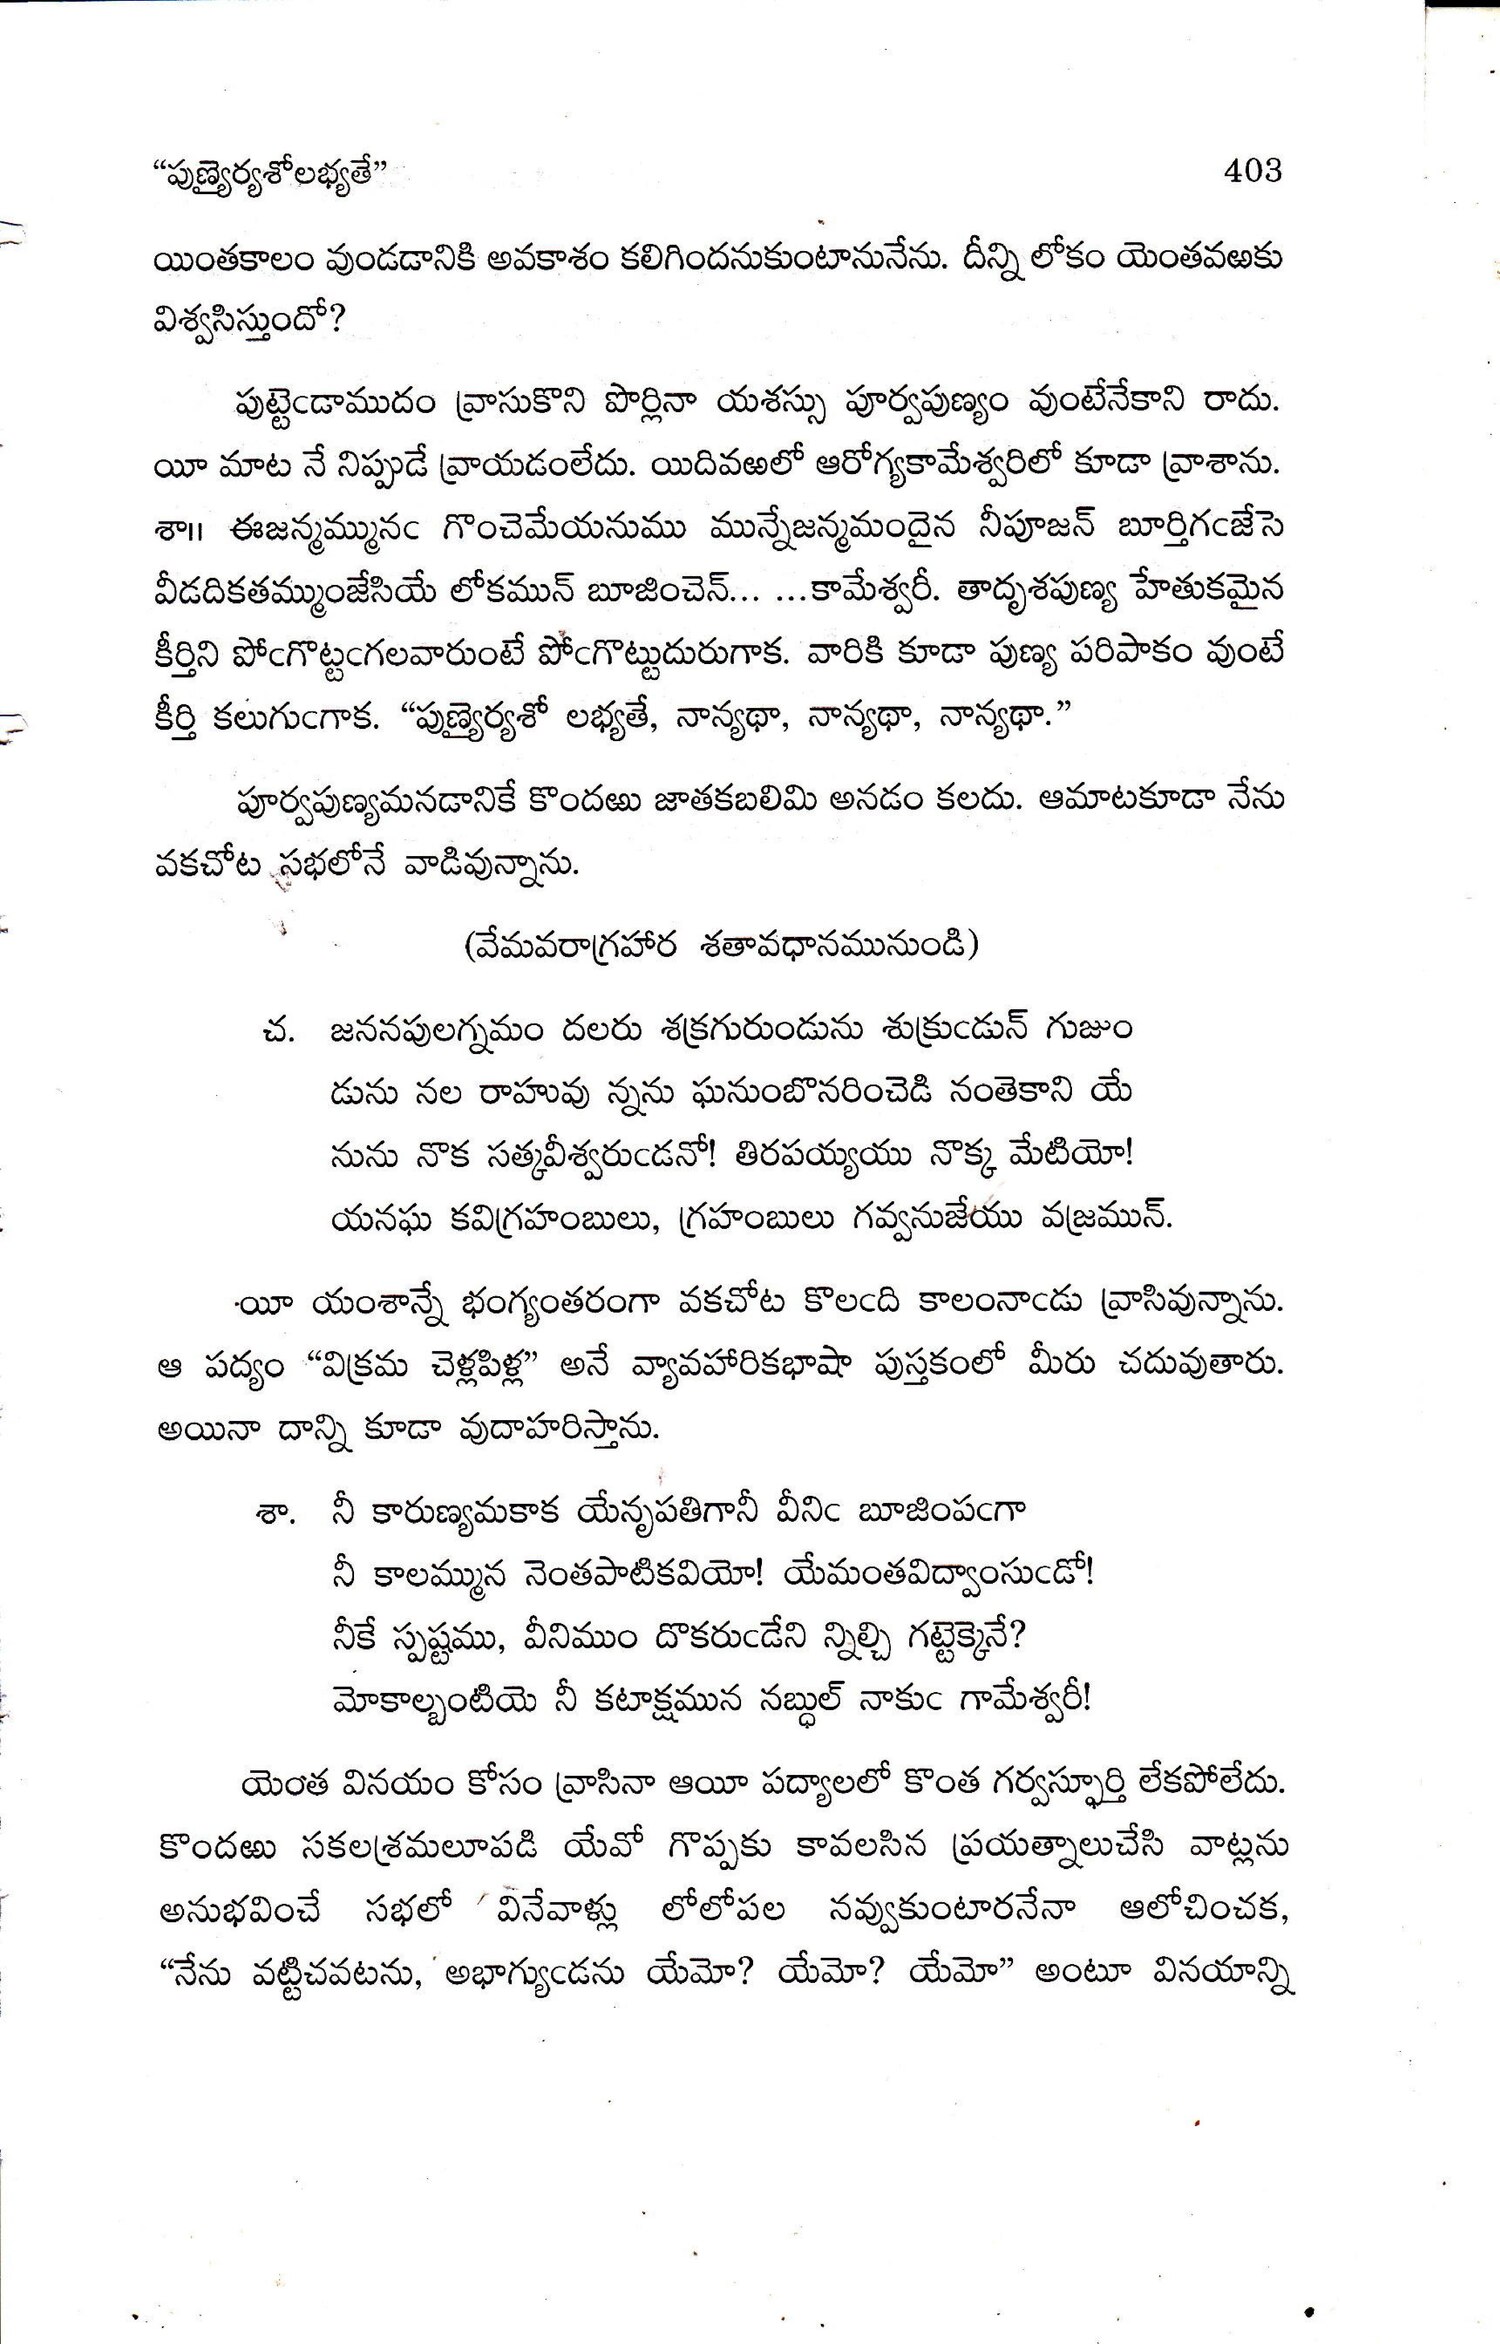యింతకాలం వుండడానికి అవకాశం కలిగిందనుకుంటానునేను. దీన్ని లోకం యెంతవఱకు విశ్వసిస్తుందో?

పుట్టెఁడాముదం వ్రాసుకొని పొర్లినా యశస్సు పూర్వపుణ్యం వుంటేనేకాని రాదు. యీ మాట నే నిప్పుడే వ్రాయడంలేదు. యిదివఱలో ఆరోగ్యకామేశ్వరిలో కూడా వ్రాశాను. శా|| ఈజన్మమ్మునఁ గొంచెమేయనుము మున్నేజన్మమందైన నీపూజన్ బూర్తిగఁజేసె వీడదికతమ్ముంజేసియే లోకమున్ బూజించెన్... ... కామేశ్వరీ, తాదృశపుణ్య హేతుకమైన కీర్తిని పోఁగొట్టఁగలవారుంటే పోఁగొట్టుదురుగాక. వారికి కూడా పుణ్య పరిపాకం వుంటే కీర్తి కలుగుcగాక. “పుణ్యైర్యశో లభ్యతే, నాన్యథా, నాన్యథా, నాన్యథా."

పూర్వపుణ్యమనడానికే కొందఱు జాతకబలిమి అనడం కలదు. ఆమాటకూడా నేను వకచోట సభలోనే వాడివున్నాను. -

చ. జననపులగ్నమం దలరు శక్రగురుండును శుక్రుఁడున్ గుజం 
 డును నల రాహువు న్నను ఘనుంబొనరించెడి నంతెకాని యే 
 నును నొక సత్కవీశ్వరుఁడనో! తిరపయ్యయు నొక్క మేటియో! 
 యనఘ కవిగ్రహంబులు, గ్రహంబులు గవ్వనుజేయు వజ్రమున్.
యీ యంశాన్నే భంగ్యంతరంగా వకచోట కొలఁది కాలంనాఁడు వ్రాసివున్నాను. ఆ పద్యం "విక్రమ చెళ్లపిళ్ల" అనే వ్యావహారికభాషా పుస్తకంలో మీరు చదువుతారు. అయినా దాన్ని కూడా వుదాహరిస్తాను.

శా. నీ కారుణ్యమకాక యేనృపతిగానీ వీనిఁ బూజింపఁగా
 నీ కాలమ్మున నెంతపాటికవియో! యేమంతవిద్వాంసుఁడో! 
 నీకే స్పష్టము, వీనిముం దొకరుఁడేని నిల్చి గట్టెక్కెనే? 
 మోకాల్బంటియె నీ కటాక్షమున నబ్దుల్ నాకుc గామేశ్వరీ!
యెంత వినయం కోసం వ్రాసినా ఆయీ పద్యాలలో కొంత గర్వస్ఫూర్తి లేకపోలేదు. కొందఱు సకలశ్రమలూపడి యేవో గొప్పకు కావలసిన ప్రయత్నాలుచేసి వాట్లను అనుభవించే సభలో వినేవాళ్లు లోలోపల నవ్వుకుంటారనేనా ఆలోచించక, నేను వట్టిచవటను, అభాగ్యుఁడను యేమో? యేమో? యేమో" అంటూ వినయాన్ని